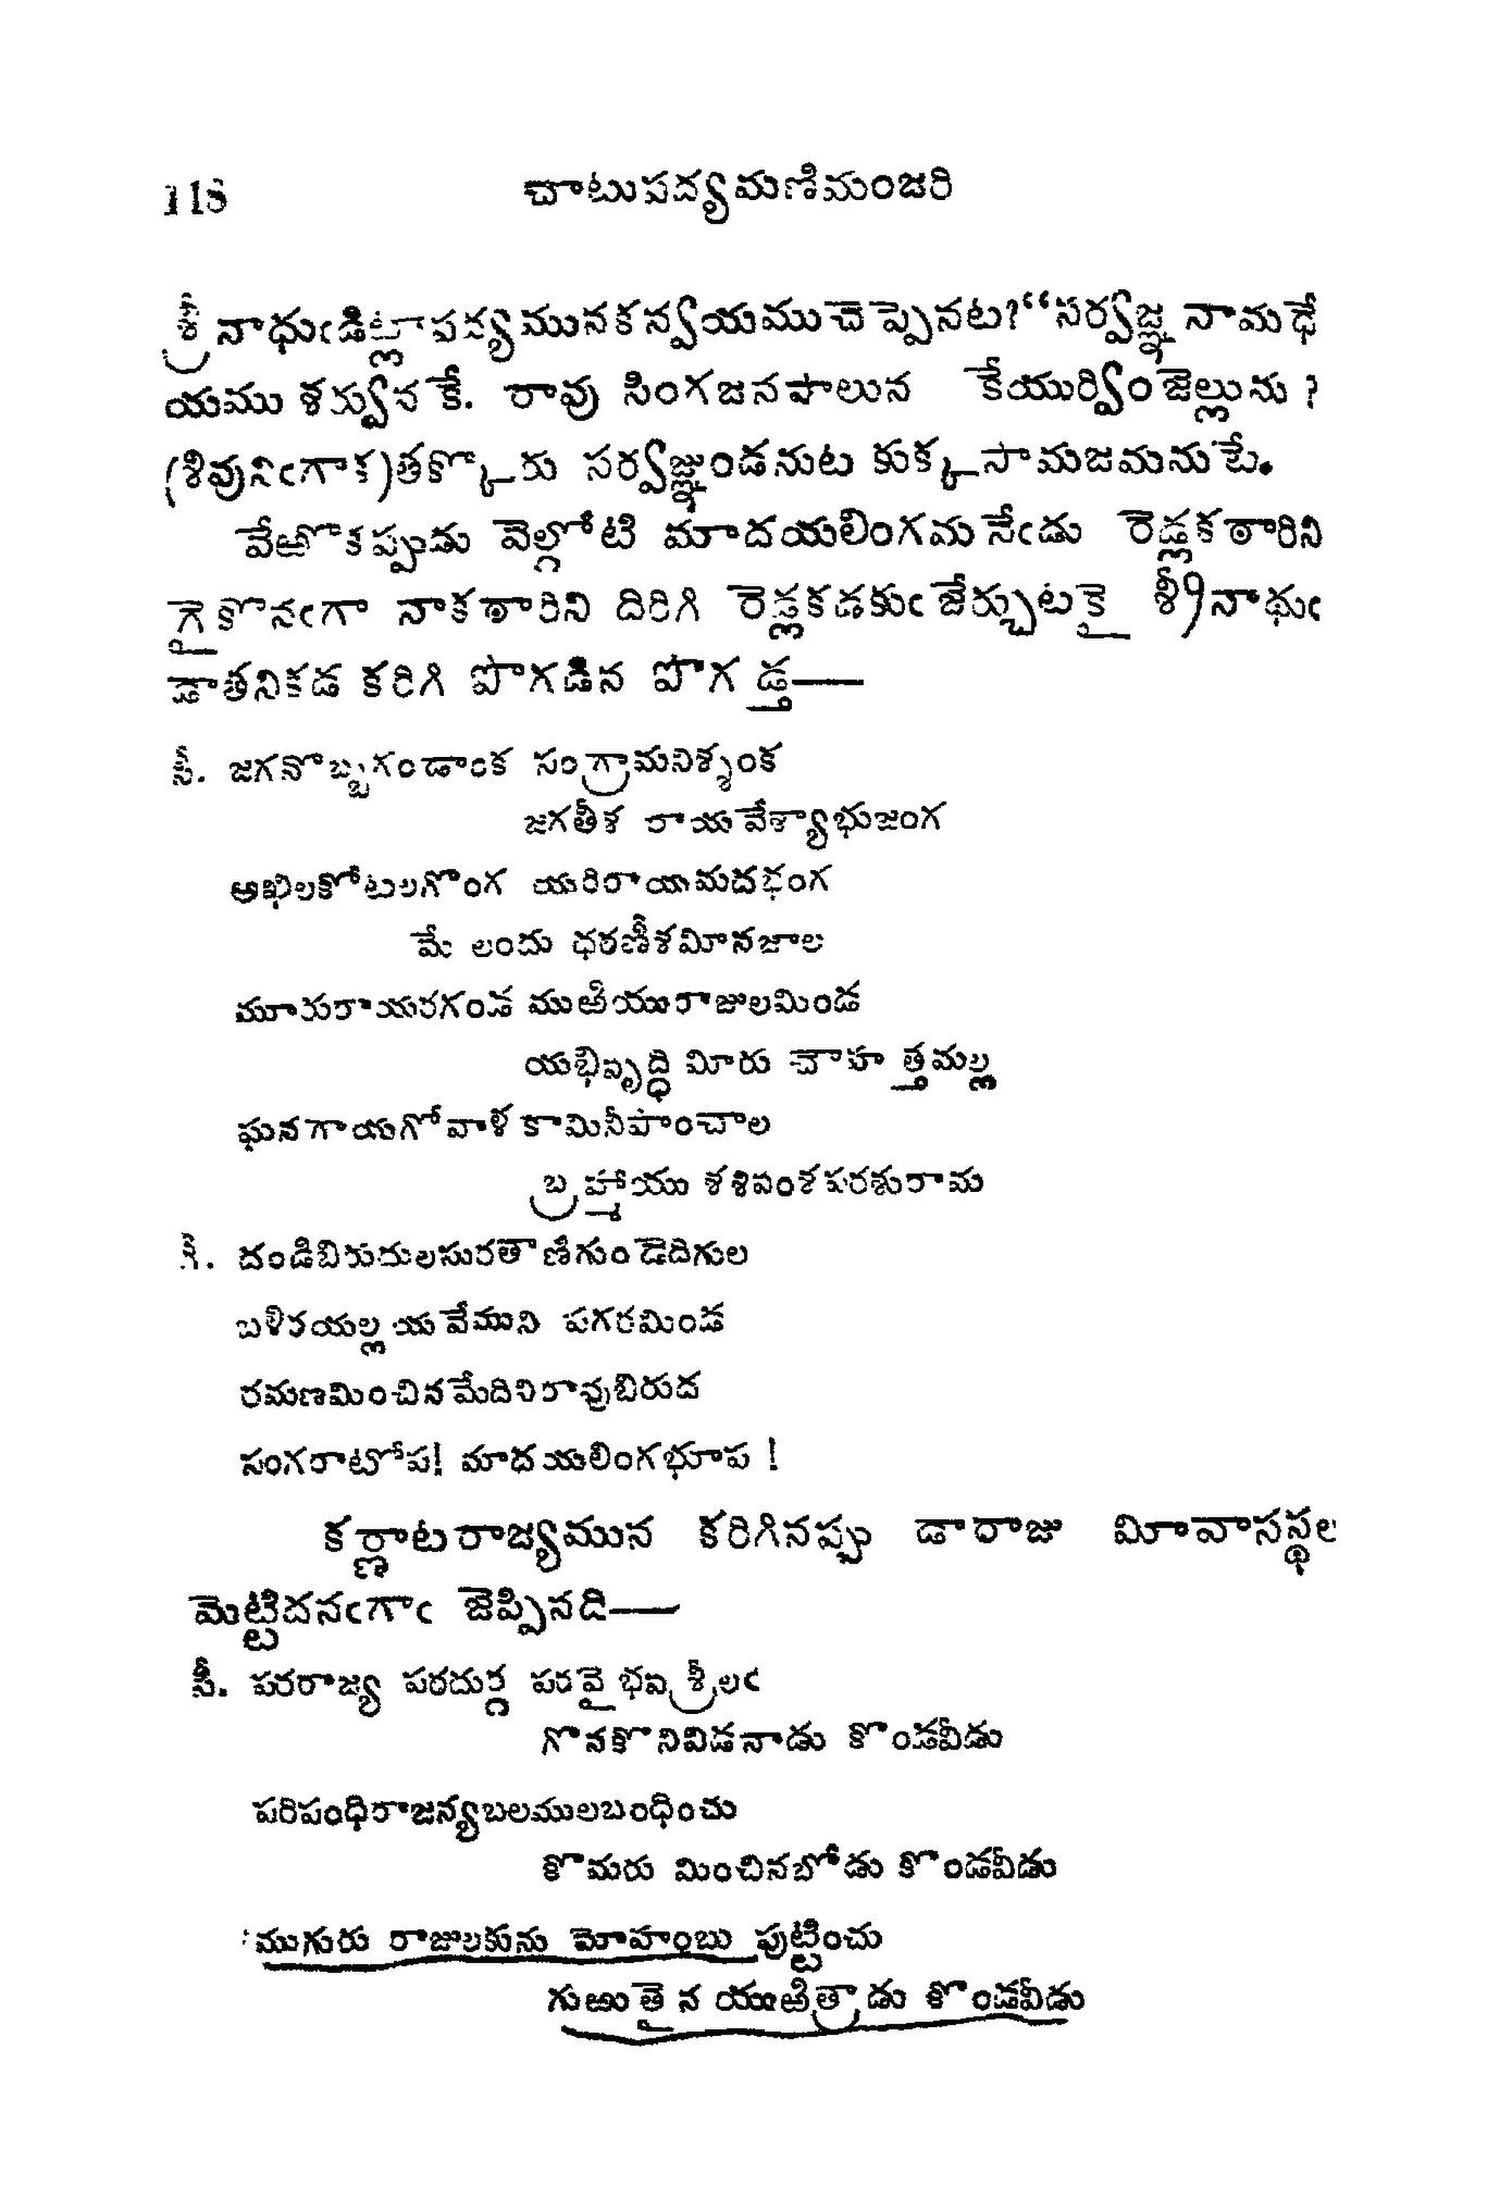శ్రీనాథుఁ డిట్లాపద్యమున కన్వయము చెప్పెనట! “సర్వజ్ఞ నామధేయము శర్వునకే. రావుసింగజనపాలున కేయుర్విం జెల్లును? (శివునిఁగాక) తక్కొరు
సర్వజ్ఞుం డనుట కుక్క సామజ మనుటే.”

వేఱొకప్పుడు వెల్గోటి మాదయలింగమనేఁడు రెడ్లకఠారిని గైకొనఁగా నాకఠారిని దిరిగి రెడ్లకడకుఁ జేర్చుటకై శ్రీనాథుఁ డాతనికడ కరిగి పొగడిన పొగడ్త—
సీ. జగనొబ్బగండాంక సంగ్రామనిశ్శంక
 జగతీశ రాయవేశ్యాభుజంగ
 అఖిలకోటలగొంగ యరిరాయమదభంగ
 మే లందు ధరణీశమీనజాల
 మూరురాయరగండ ముఱియురాజులమిండ
 యభివృద్ధి మీరు చౌహత్తమల్ల
 ఘనగాయగోవాళకామినీపాంచాల
 బ్రహ్మాయు శశివంశపరశురామ
తే. దండిబిరుదులసురతాణిగుండె దిగుల
 బళిర యల్లయవేముని పగరమిండ
 రమణమించినమేదిని రావుబిరుద
 సంగరాటోప! మాదయలింగభూప!
కర్ణాటరాజ్యమున కరిగినప్పు డారాజు మీవాసస్థల మెట్టి దనఁగాఁ జెప్పినది—
సీ. పరరాజ్య పరదుర్గ పరవైభవశ్రీలఁ
 గొనకొని విడనాడు కొండవీడు
 పరిపంథిరాజన్యబలముల బంధించు
 కొమరు మించినబోడు కొండవీడు
 ముగురు రాజులకును మోహంబు పుట్టించు
 గుఱుతైన యుఱిత్రాడు కొండవీడు